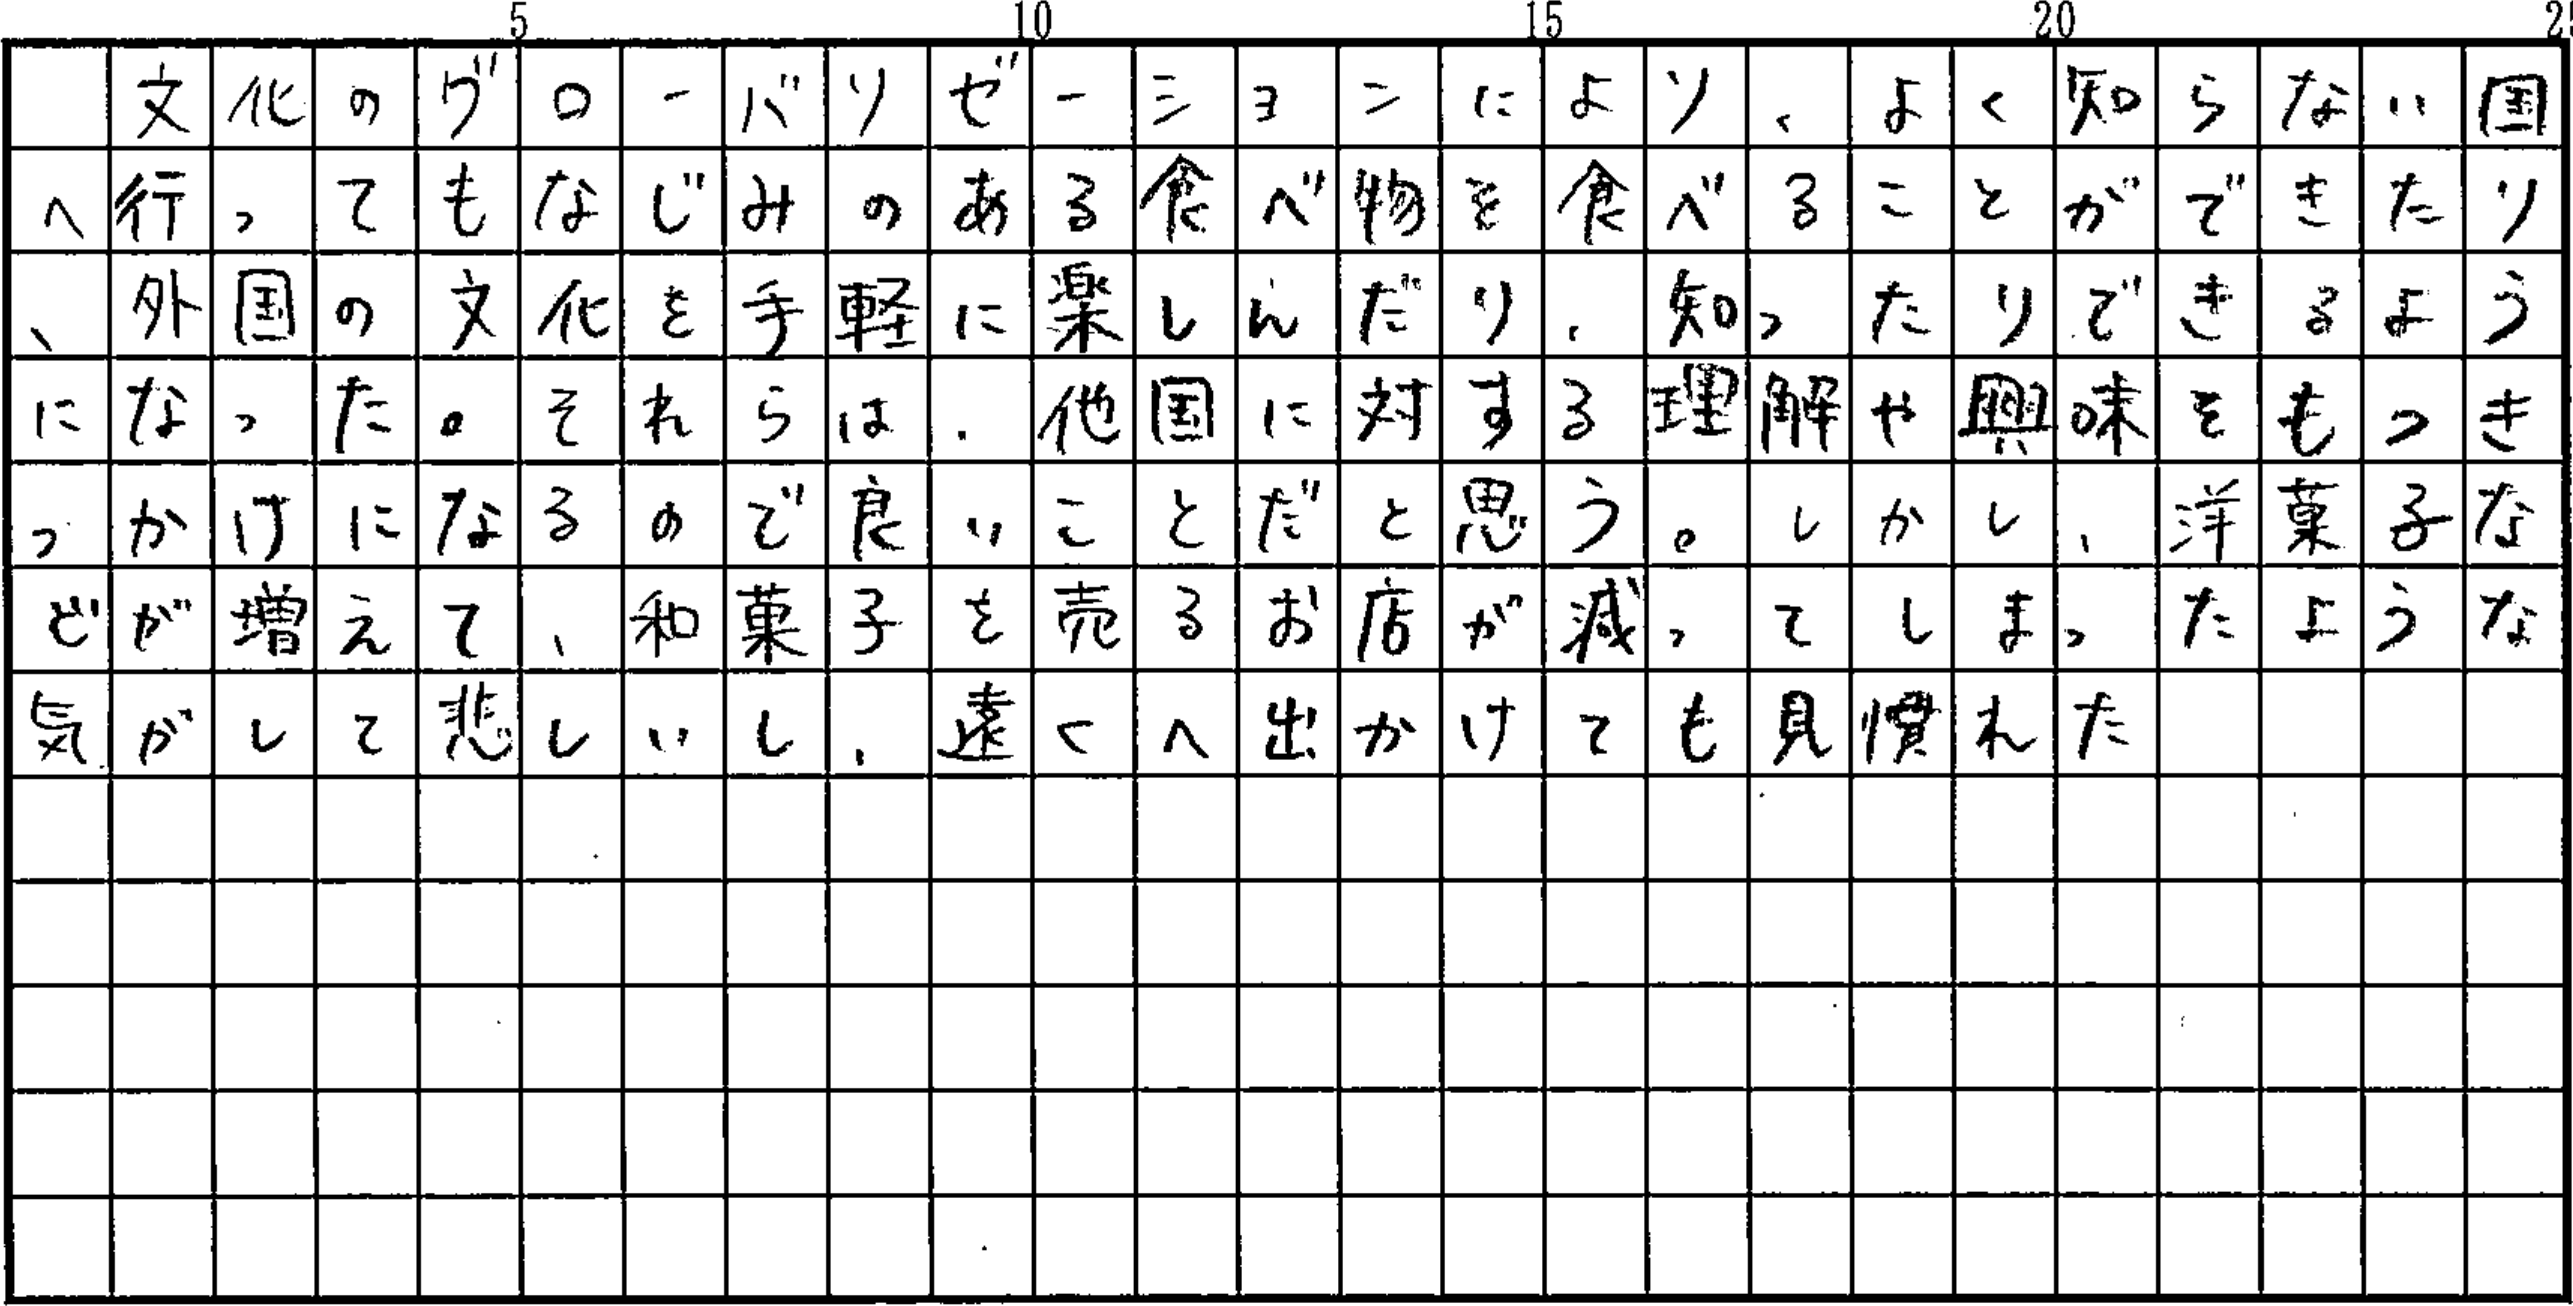　文化のグローバリゼーションにより、よく知らない国へ行ってもなじみのある食べ物を食べることができたり、外国の文化を手軽に楽しんだり、知ったりできるようになった。それらは、他国に対する理解や興味をもつきっかけになるので良いことだと思う。しかし、洋菓子などが増えて、和菓子を売るお店が減ってしまったような気がして悲しいし、遠くへ出かけても見慣れた
